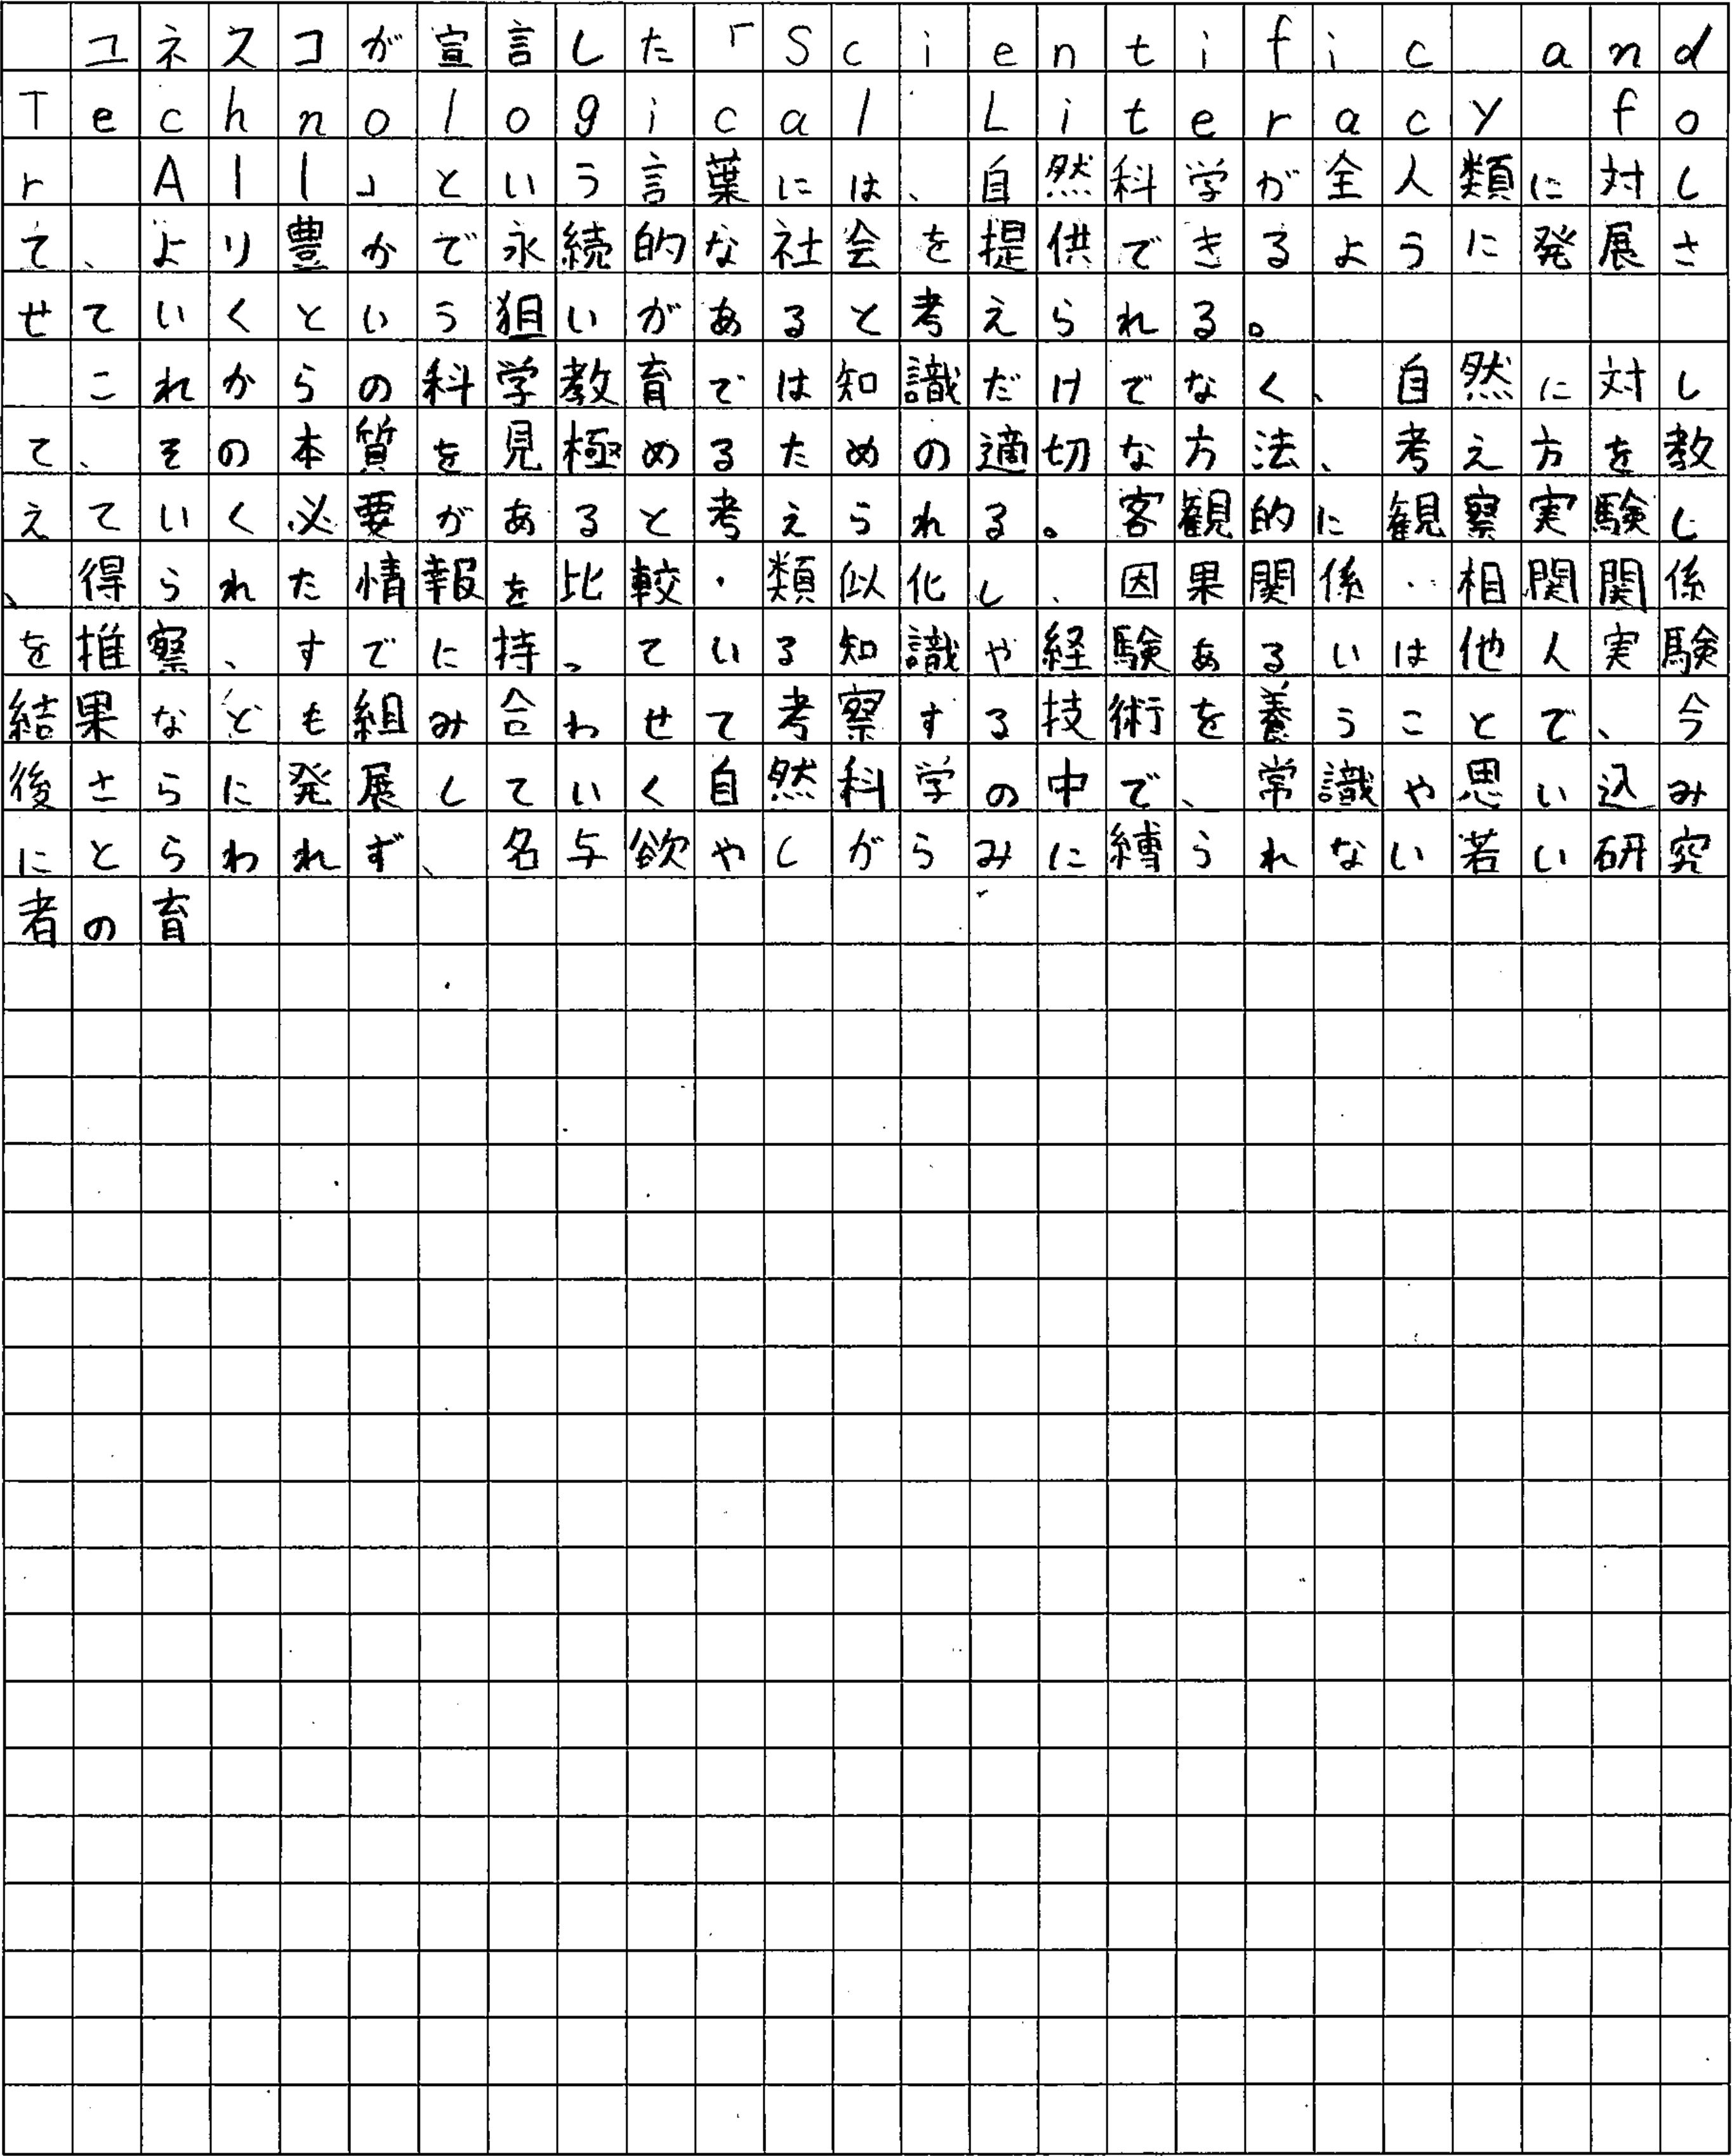　ユネスコが宣言した「Ｓｃｉｅｎｔｉｆｉｃ　ａｎｄ　Ｔｅｃｈｎｏｌｏｇｉｃａｌ　Ｌｉｔｅｒａｃｙ　ｆｏｒ　Ａｌｌ」という言葉には、自然科学が全人類に対して、より豊かで永続的な社会を提供できるように発展させていくという狙いがあると考えられる。
　これからの科学教育では知識だけでなく、自然に対して、その本質を見極めるための適切な方法、考え方を教えていく必要があると考えられる。客観的に観察実験し、得られた情報を比較・類似化し、因果関係・相関関係を推察、すでに持っている知識や経験あるいは他人実験結果なども組み合わせて考察する技術を養うことで、今後さらに発展していく自然科学の中で、常識や思い込みにとらわれず、名与欲やしがらみに縛られない若い研究者の育
